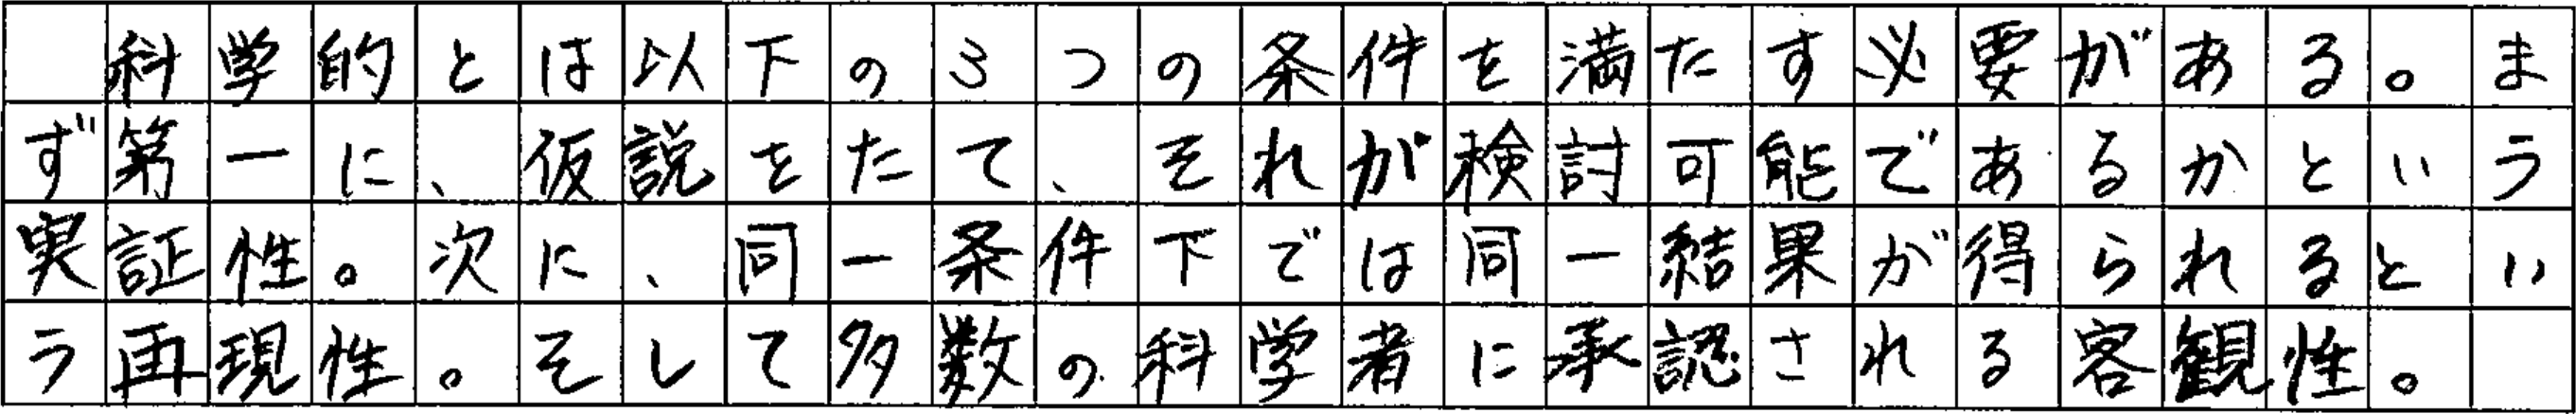　科学的とは以下の３つの条件を満たす必要がある。まず第一に、仮説をたて、それが検討可能であるかという実証性。次に、同一条件下では同一結果が得られるという再現性。そして多数の科学者に承認される客観性。
